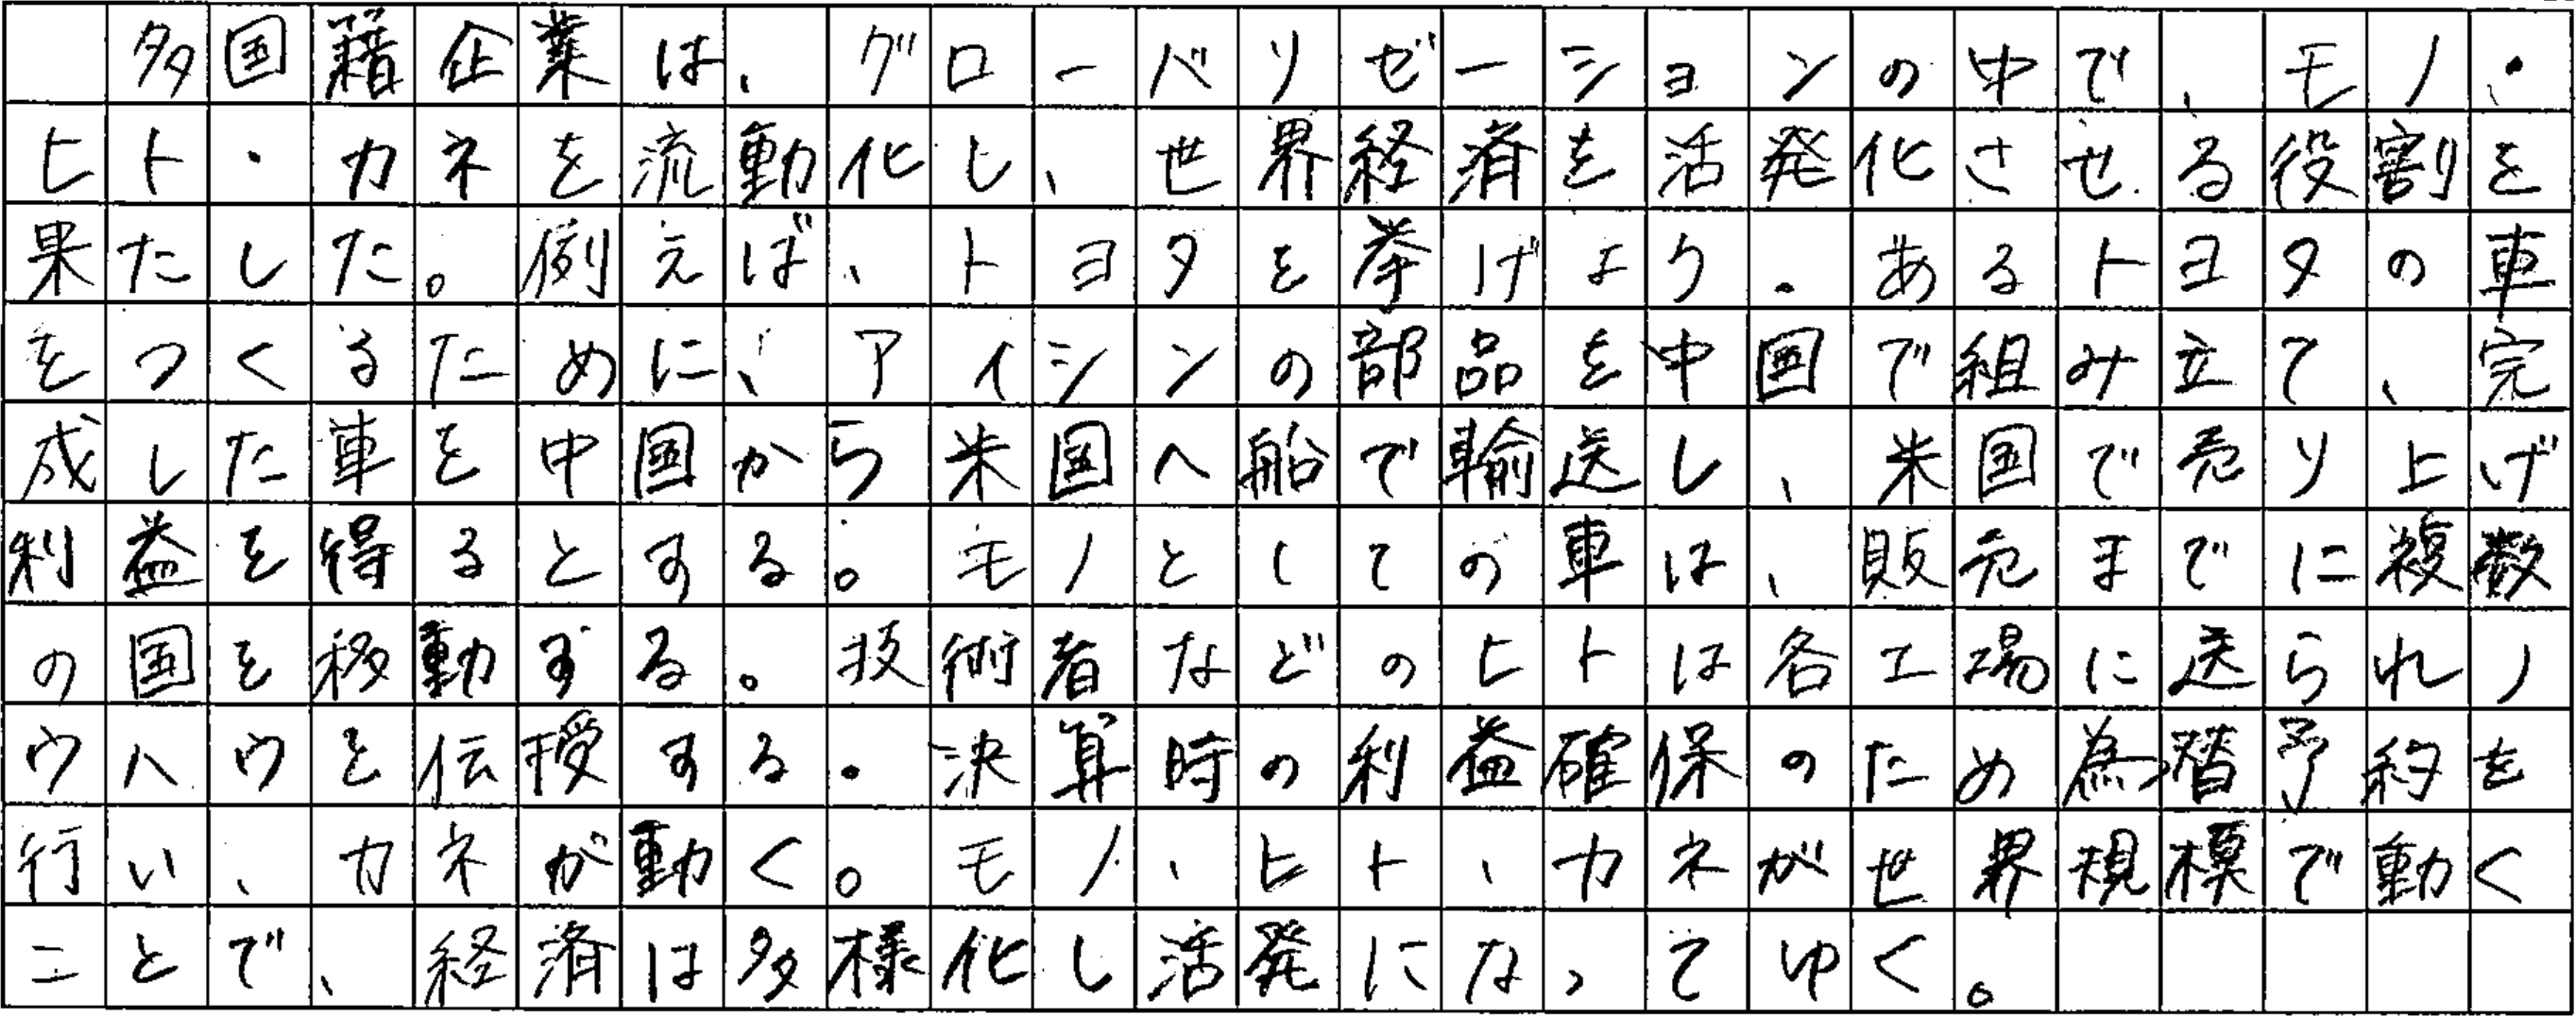　多国籍企業は、グローバリゼーションの中で、モノ・ヒト・カネを流動化し、世界経済を活発化させる役割を果たした。例えば、トヨタを挙げよう。あるトヨタの車をつくるために、アイシンの部品を中国で組み立て、完成した車を中国から米国へ船で輸送し、米国で売り上げ利益を得るとする。モノとしての車は、販売までに複数の国を移動する。技術者などのヒトは各工場に送られノウハウを伝授する。決算時の利益確保のため為替予約を行い、カネが動く。モノ・ヒト・カネが世界規模で動くことで、経済は多様化し活発になってゆく。
